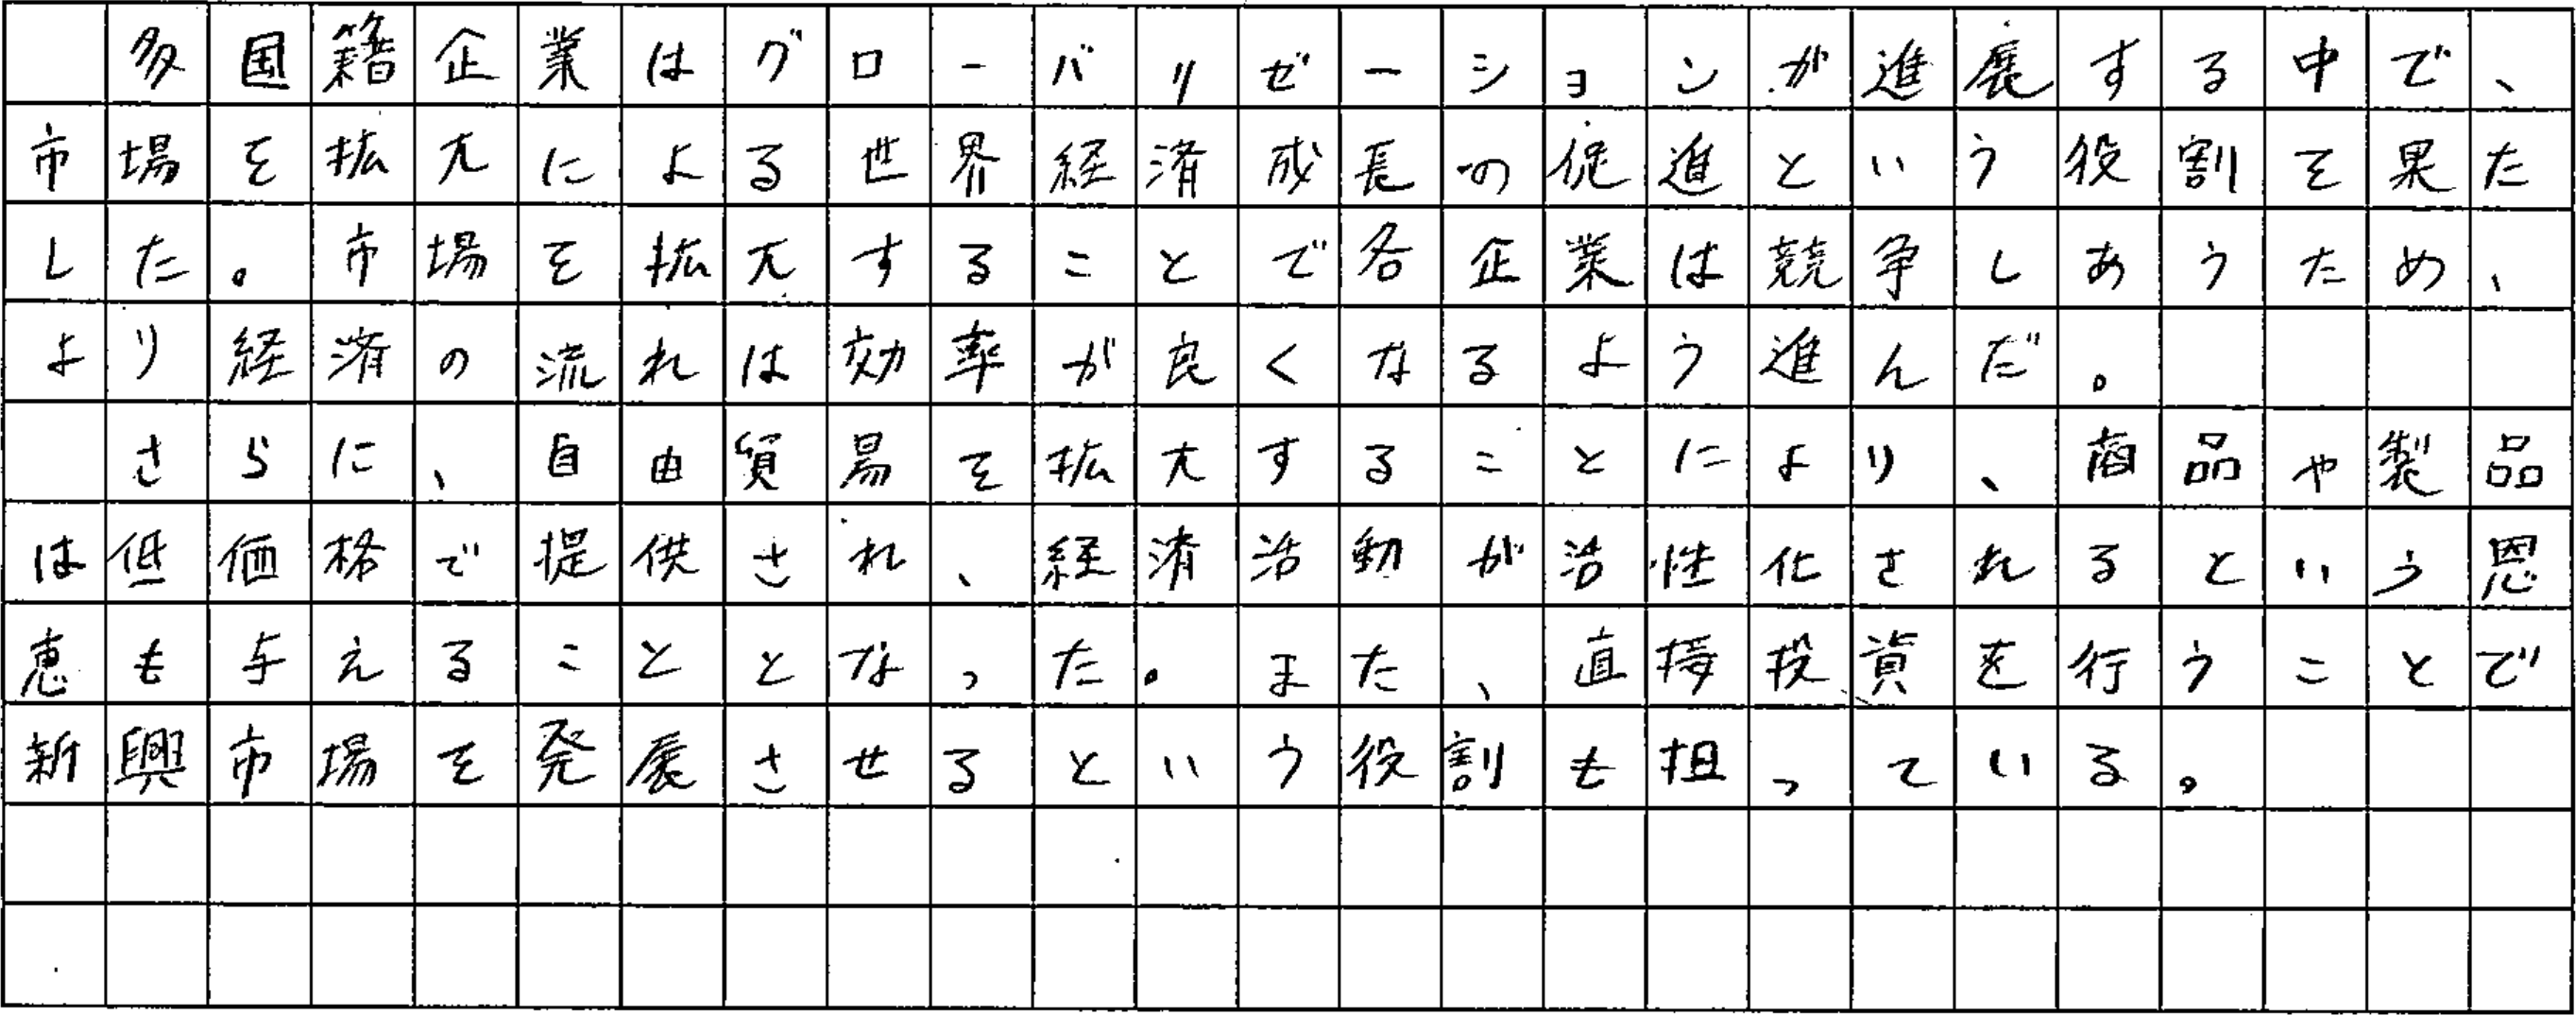　多国籍企業はグローバリゼーションが進展する中で、市場を拡大による世界経済成長の促進という役割を果たした。市場を拡大すること各企業は競争しあうため、より経済の流れは効率が良くなるよう進んだ。
　さらに、自由貿易を拡大することにより、商品や製品は低価格で提供され、経済活動が活性化されるという恩恵も与えることとなった。また、直接投資を行うことで新興市場を発▁させるという役割も担っている。
